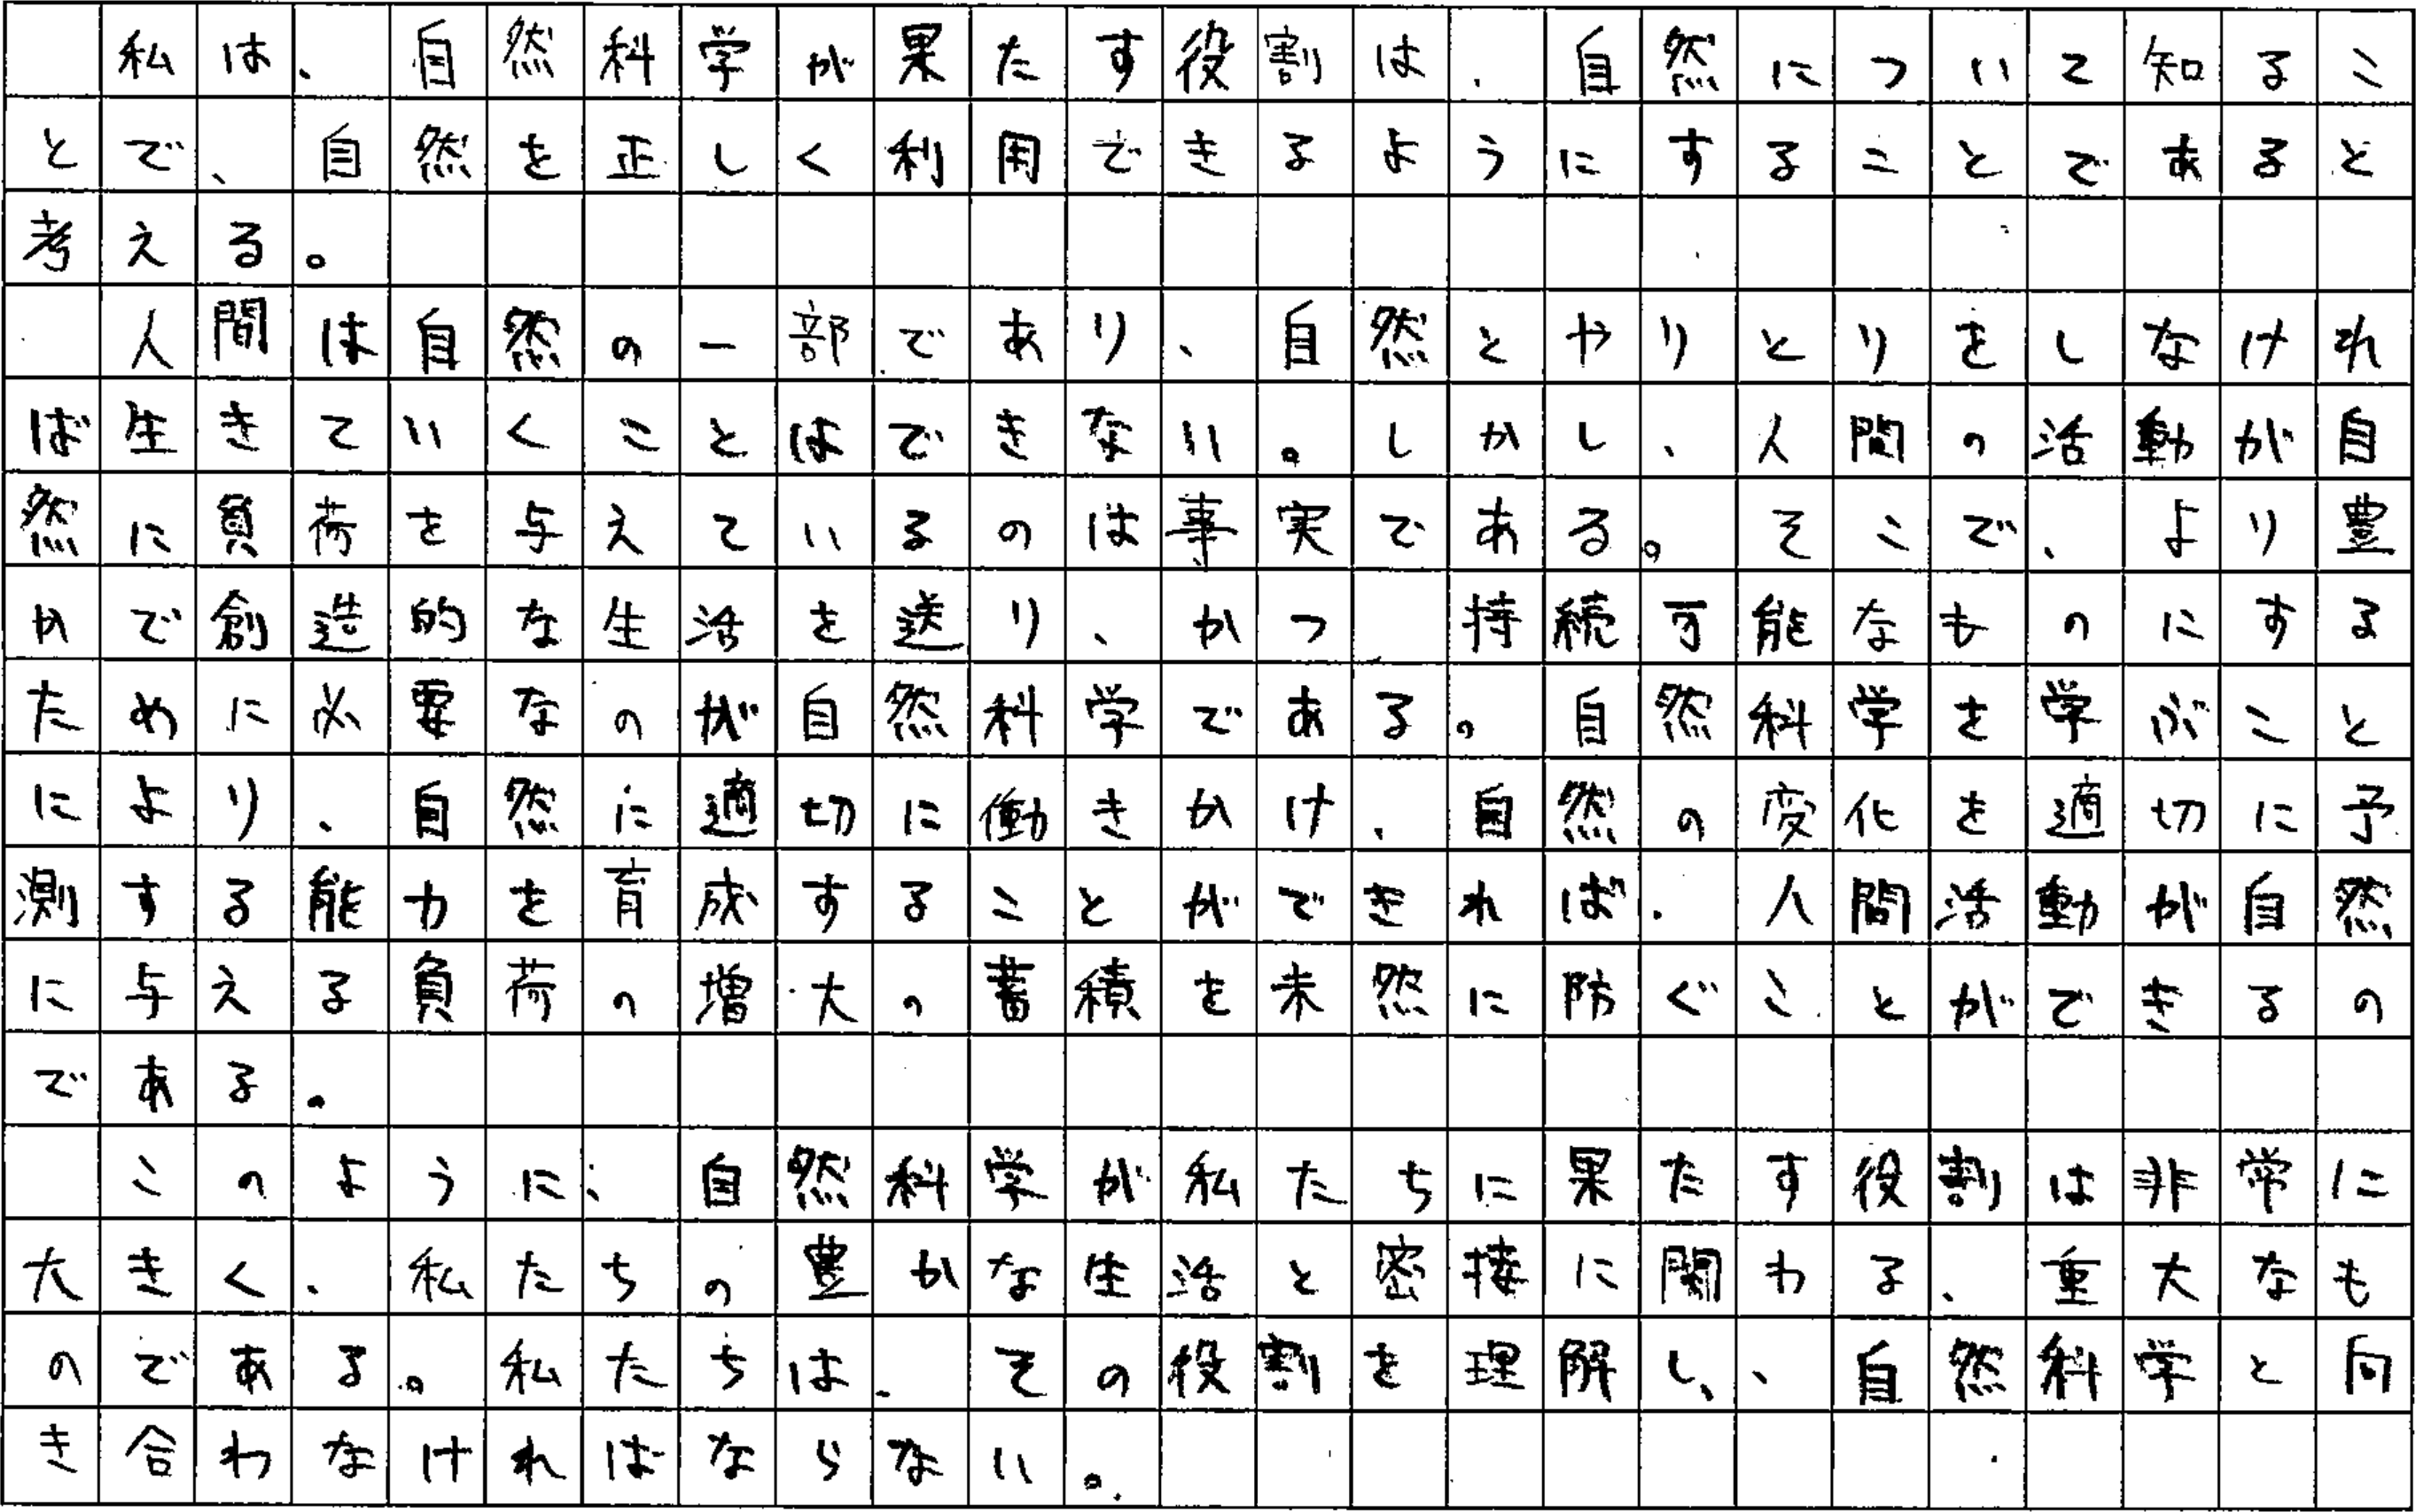　私は、自然科学が果たす役割は、自然について知ることで、自然を正しく利用できるようにすることであると考える。
　人間は自然の一部であり、自然とやりとりをしなければ生きていくことはできない。しかし、人間の活動が自然に負荷を与えているのは事実である。そこで、より豊かで創造的な生活を送り、かつ、持続可能なものにするために必要なのが自然科学である。自然科学を学ぶことにより、自然に適切に働きかけ、自然の変化を適切に予測する能力を育成することができれば、人間活動が自然に与える負荷の増大の蓄積を未然に防ぐことができるのである。
　このように、自然科学が私たちに果たす役割は非常に大きく、私たちの豊かな生活と密接に関わる、重大なものである。私たちは、その役割を理解し、自然科学と向き合わなければならない。
